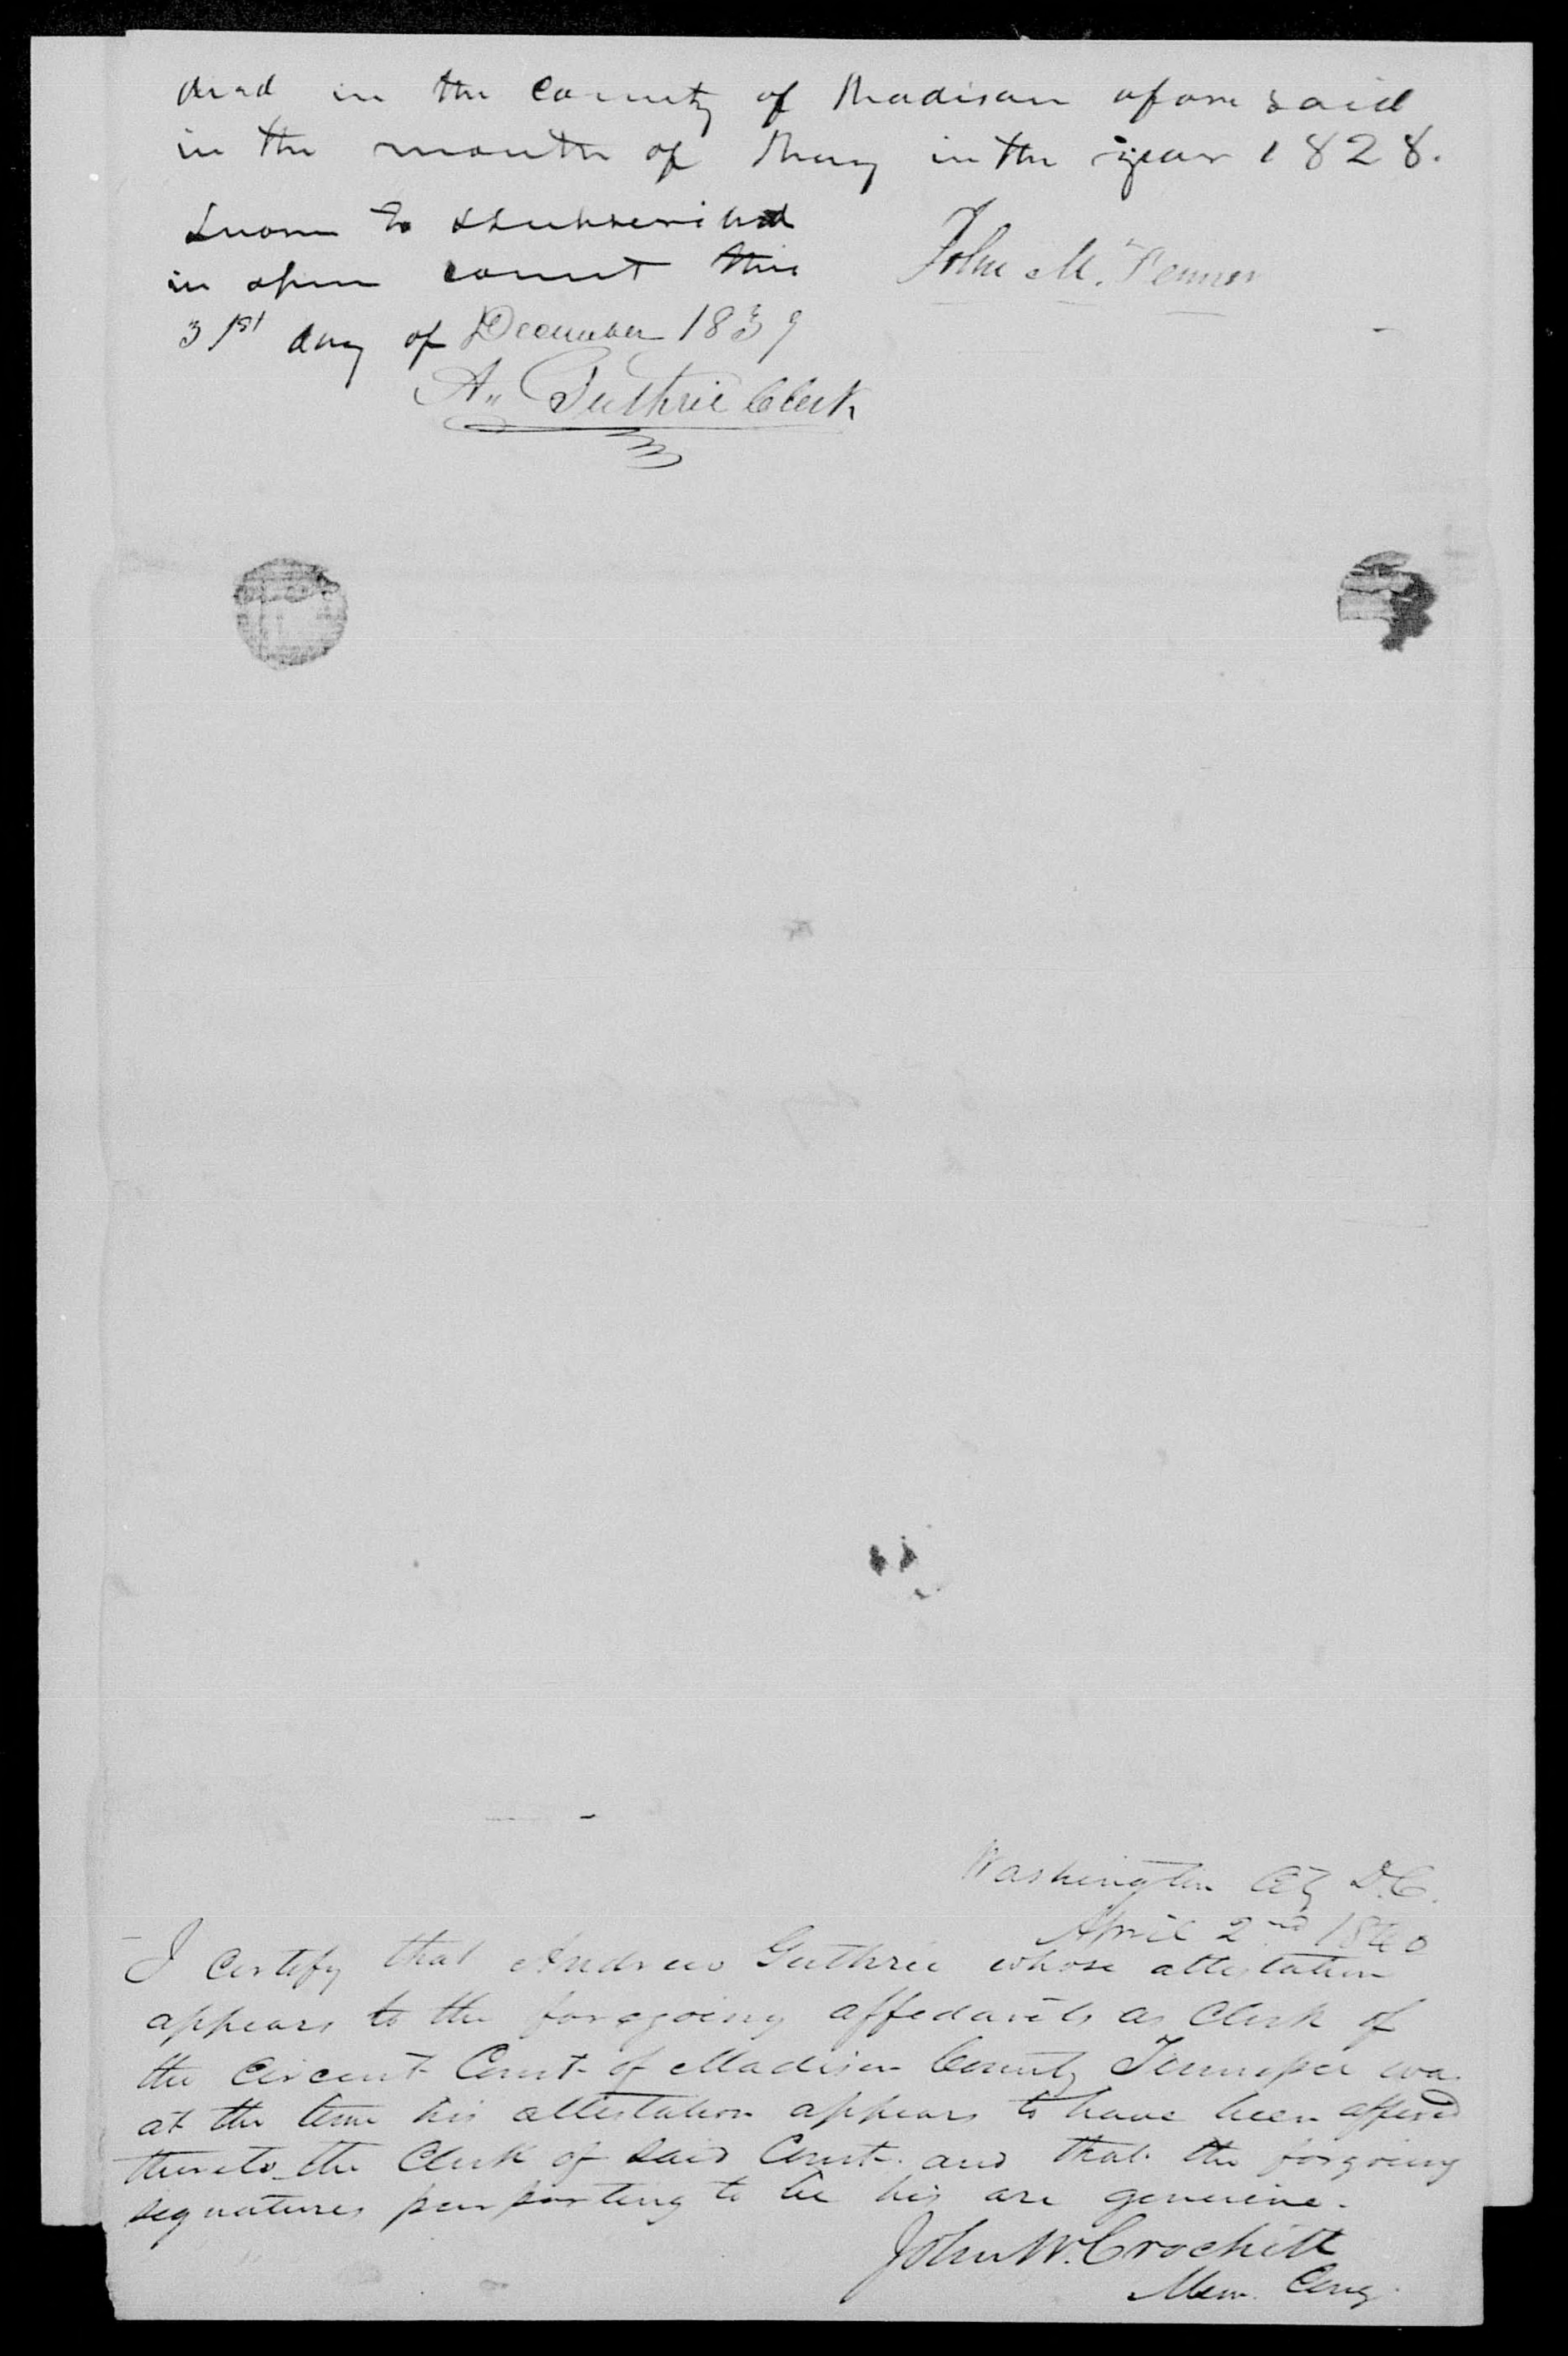died in the county of Madison upon said the month of May in the year 1828.

/John M. Fenner/

Sworn to subscribed in open court this 31st day of December 1839

/A. Guthrie Clerk/

Washington D.C.
April 2nd 1840

I certify that Andrew Cuthrie whose attestation appears to the foregoing affidavit a clerk of the circuit court of Madison County, Tennessee was at the time his attribution appears to have been offered there to the clerk of said court and that the foregoing signatures purporting to be his ar genuine.

/John W. Crockett/
_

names: John M Fenner, A Guthrie, Andrew Guthrie, John W Crockett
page: 8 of 39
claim: widow's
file: W. 789, Richard Fenner, N.C.